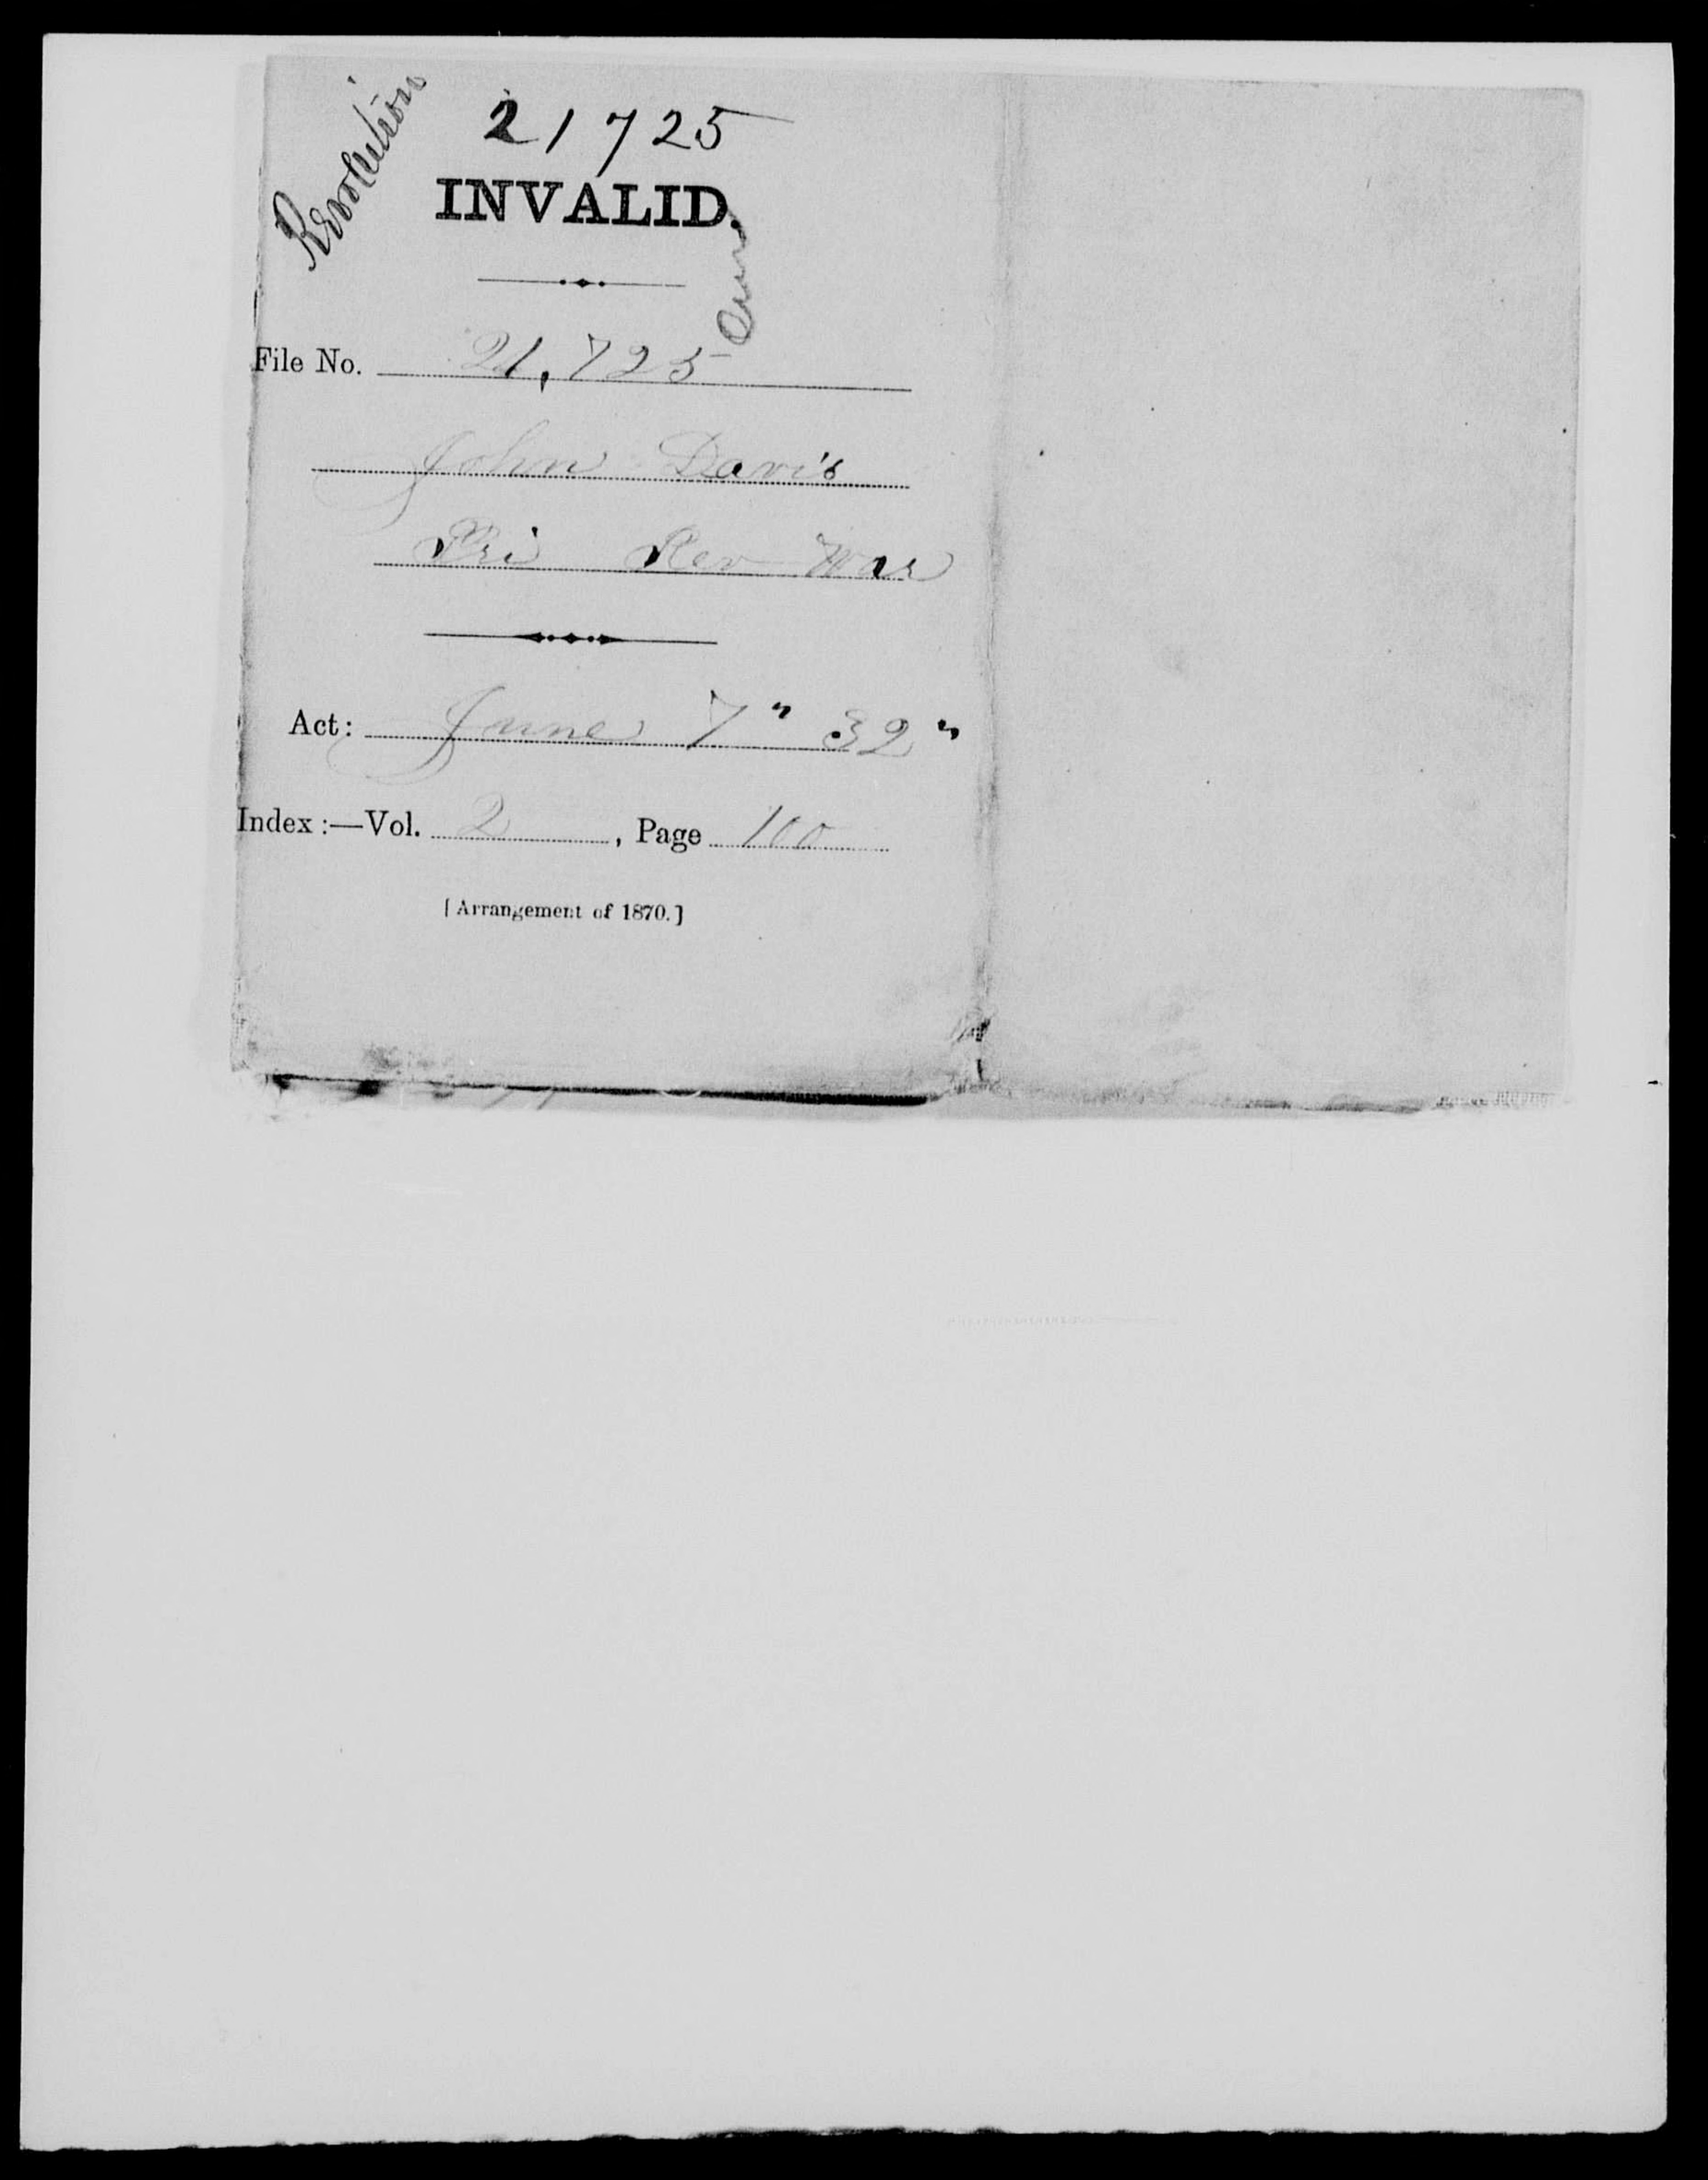Revolution 
21725
INVALID.
___________
File No. 21,725
John Davis
Pri Rev War
_____________
Act: June 7"  32"
Index:--Vol. 2, Page 100
[Arrangement of 1870.}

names: John Davis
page: 11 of 13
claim: survivor's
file: S. 21,725, John Davis, S.C.